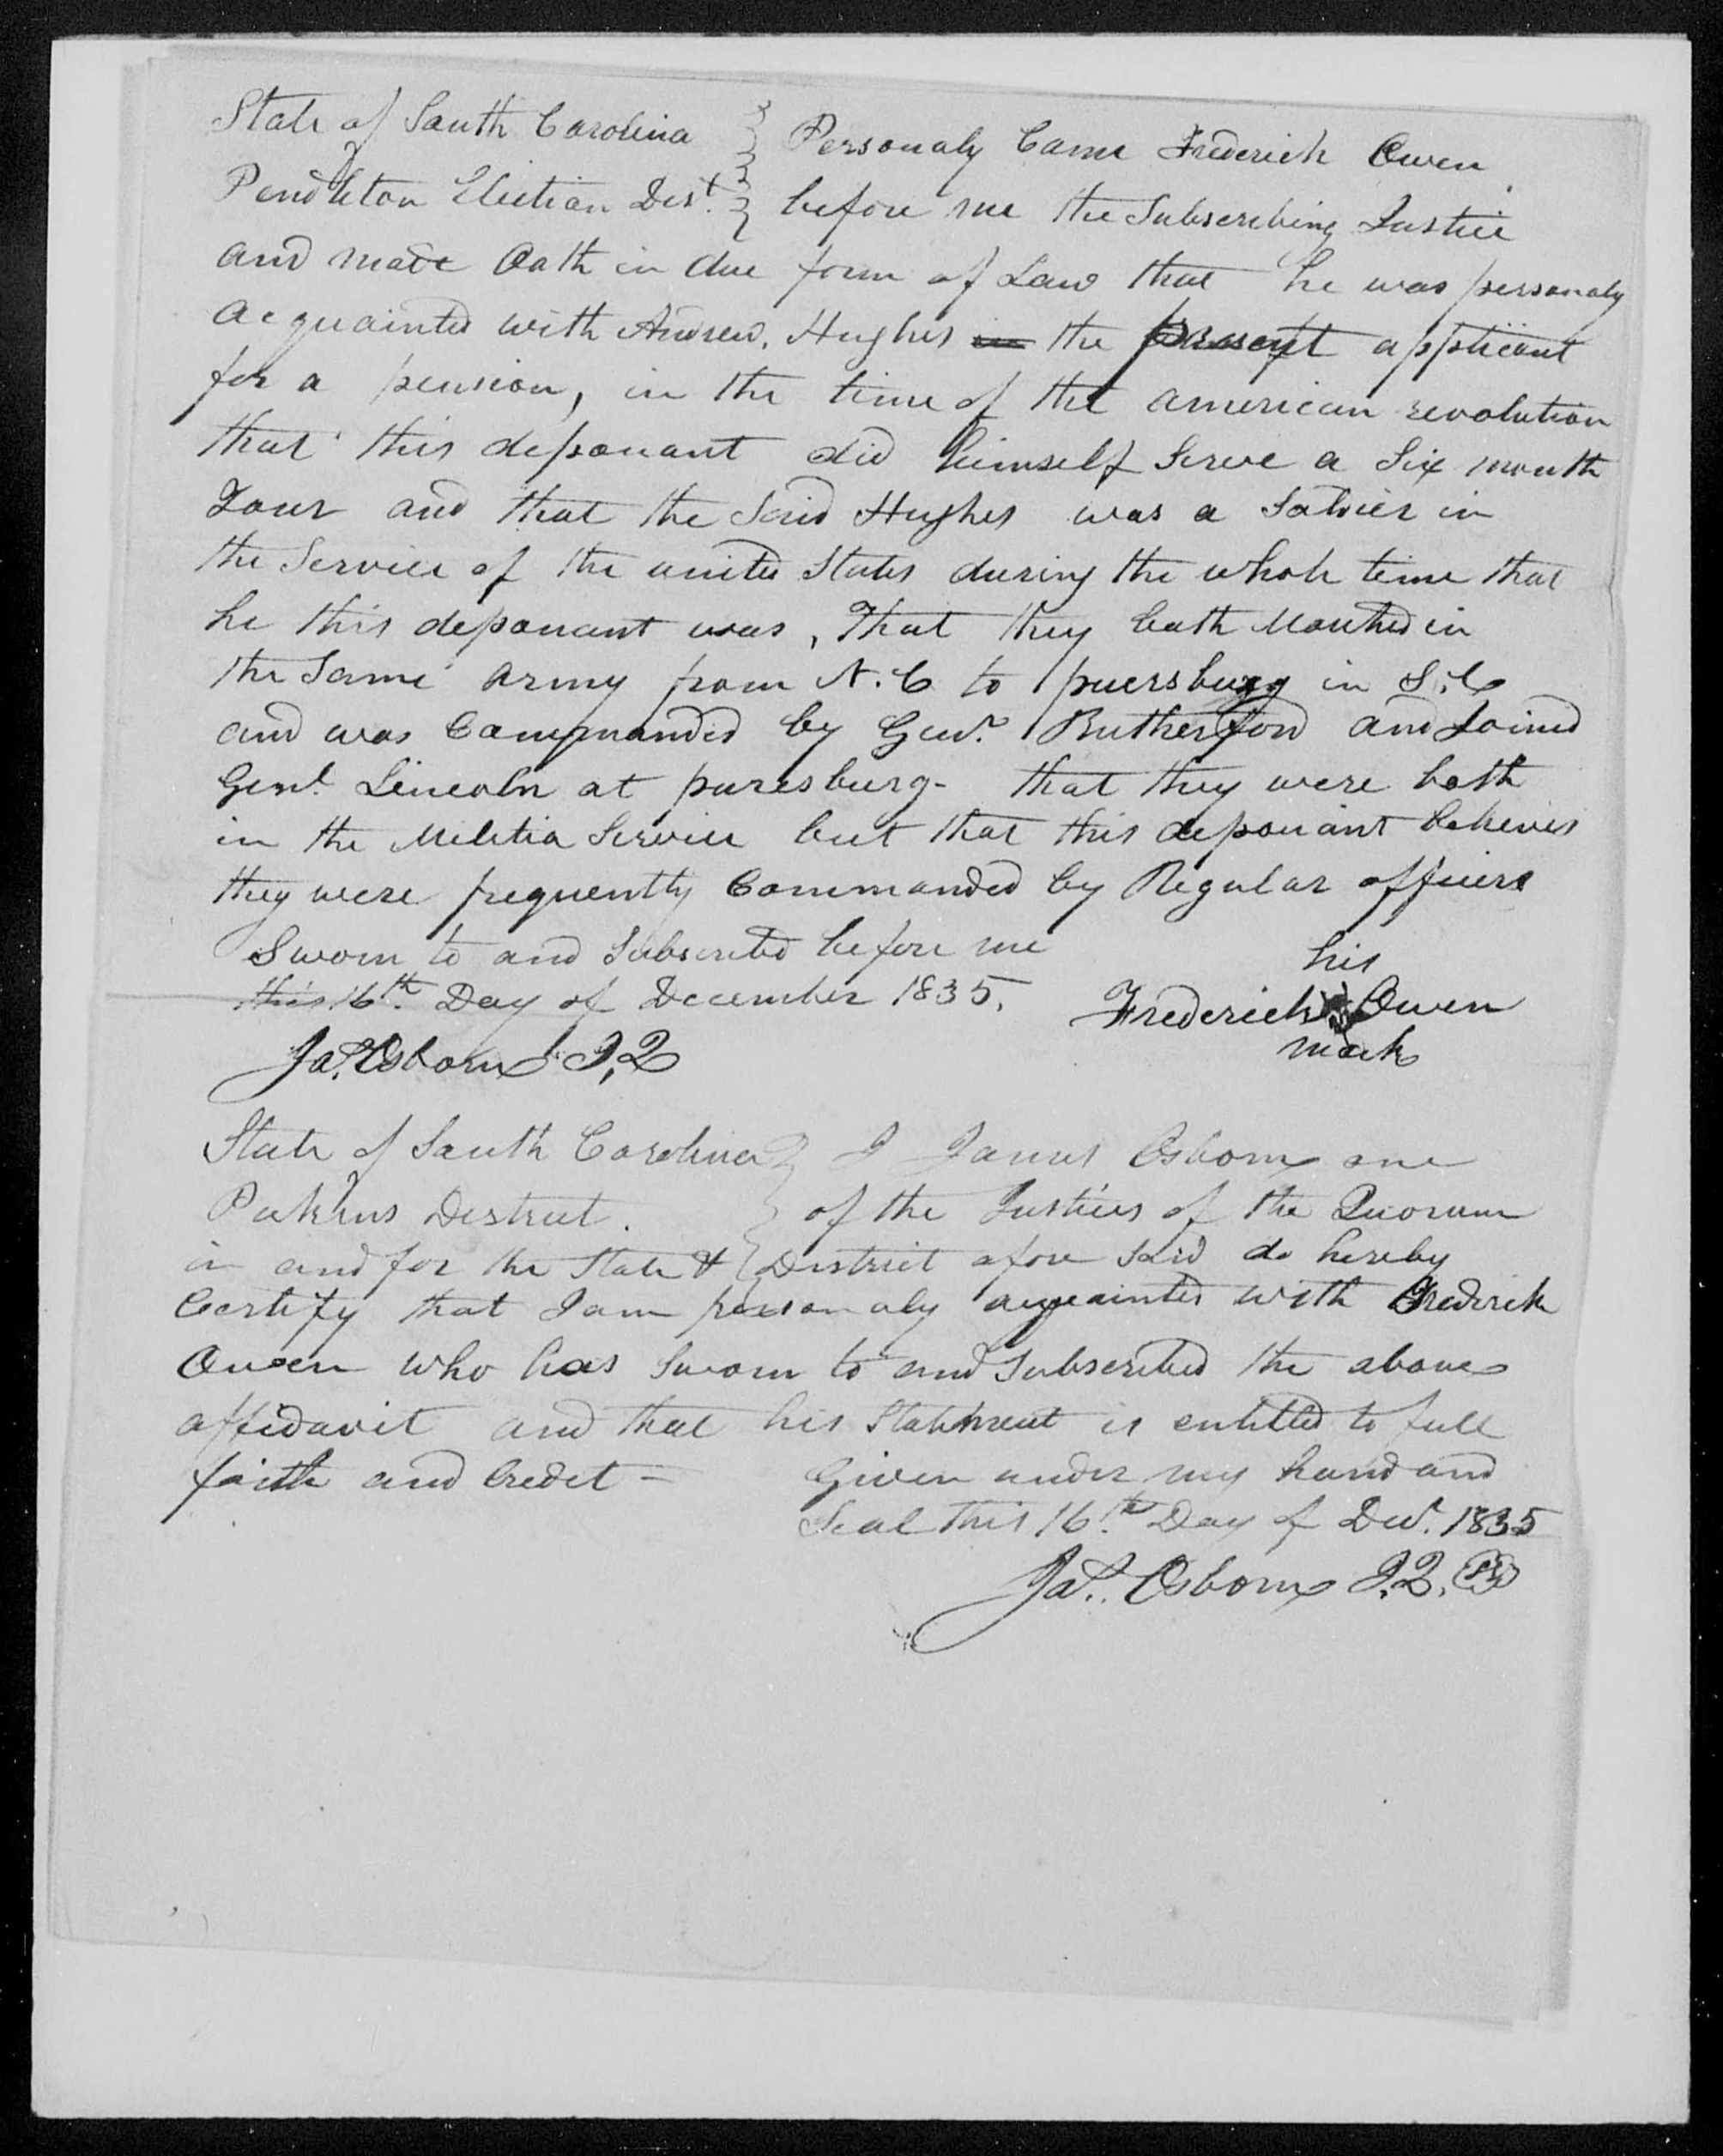State of South Carolina
Pendleton Election Dist 
Personally Came Frederick Owen before me the Subscribing Justice and made oath in due form of Law that he was personally
acquainted with Andrew Hughes the present applicant for a pension in the time of the American revolution
that this deponent did himself serve a Six month tour and that the said Hughes was a soldier in the service of the United States during the whole time that
he this deponent was, that they both Marched in the same army from N.C. to puersburg in S.C
and was commanded by Genl Rutherford and joined Genl Lincoln at Puresburg. that they were both in the Militia Service but that this deponant believes they were frequently commanded by Regular officers
Sworn to and subscribed before me
this 16th Day of December 1835.
Jas. Osborn J. Q
Frederick Owen
his x mark

State of South Carolina
Pickens District
I James Osborn one of the Justices of the Quorum in and for the State & District aforesaid do hereby Certify that I am personaly acquainted with Fredrick Owen who has sworn to and subscribed the above
affidavit and that his statement is entitled to full faith and credit-
Given under my hand and
Seal this 16th Day of Dec 1835
Jas Osborn J.Q [seal]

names: James Osborn, Frederick Owen, Rutherford, Andrew Hughes, Lincoln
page: 62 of 75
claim: widow's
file: W. 25805, Andrew Hughes, N.C.